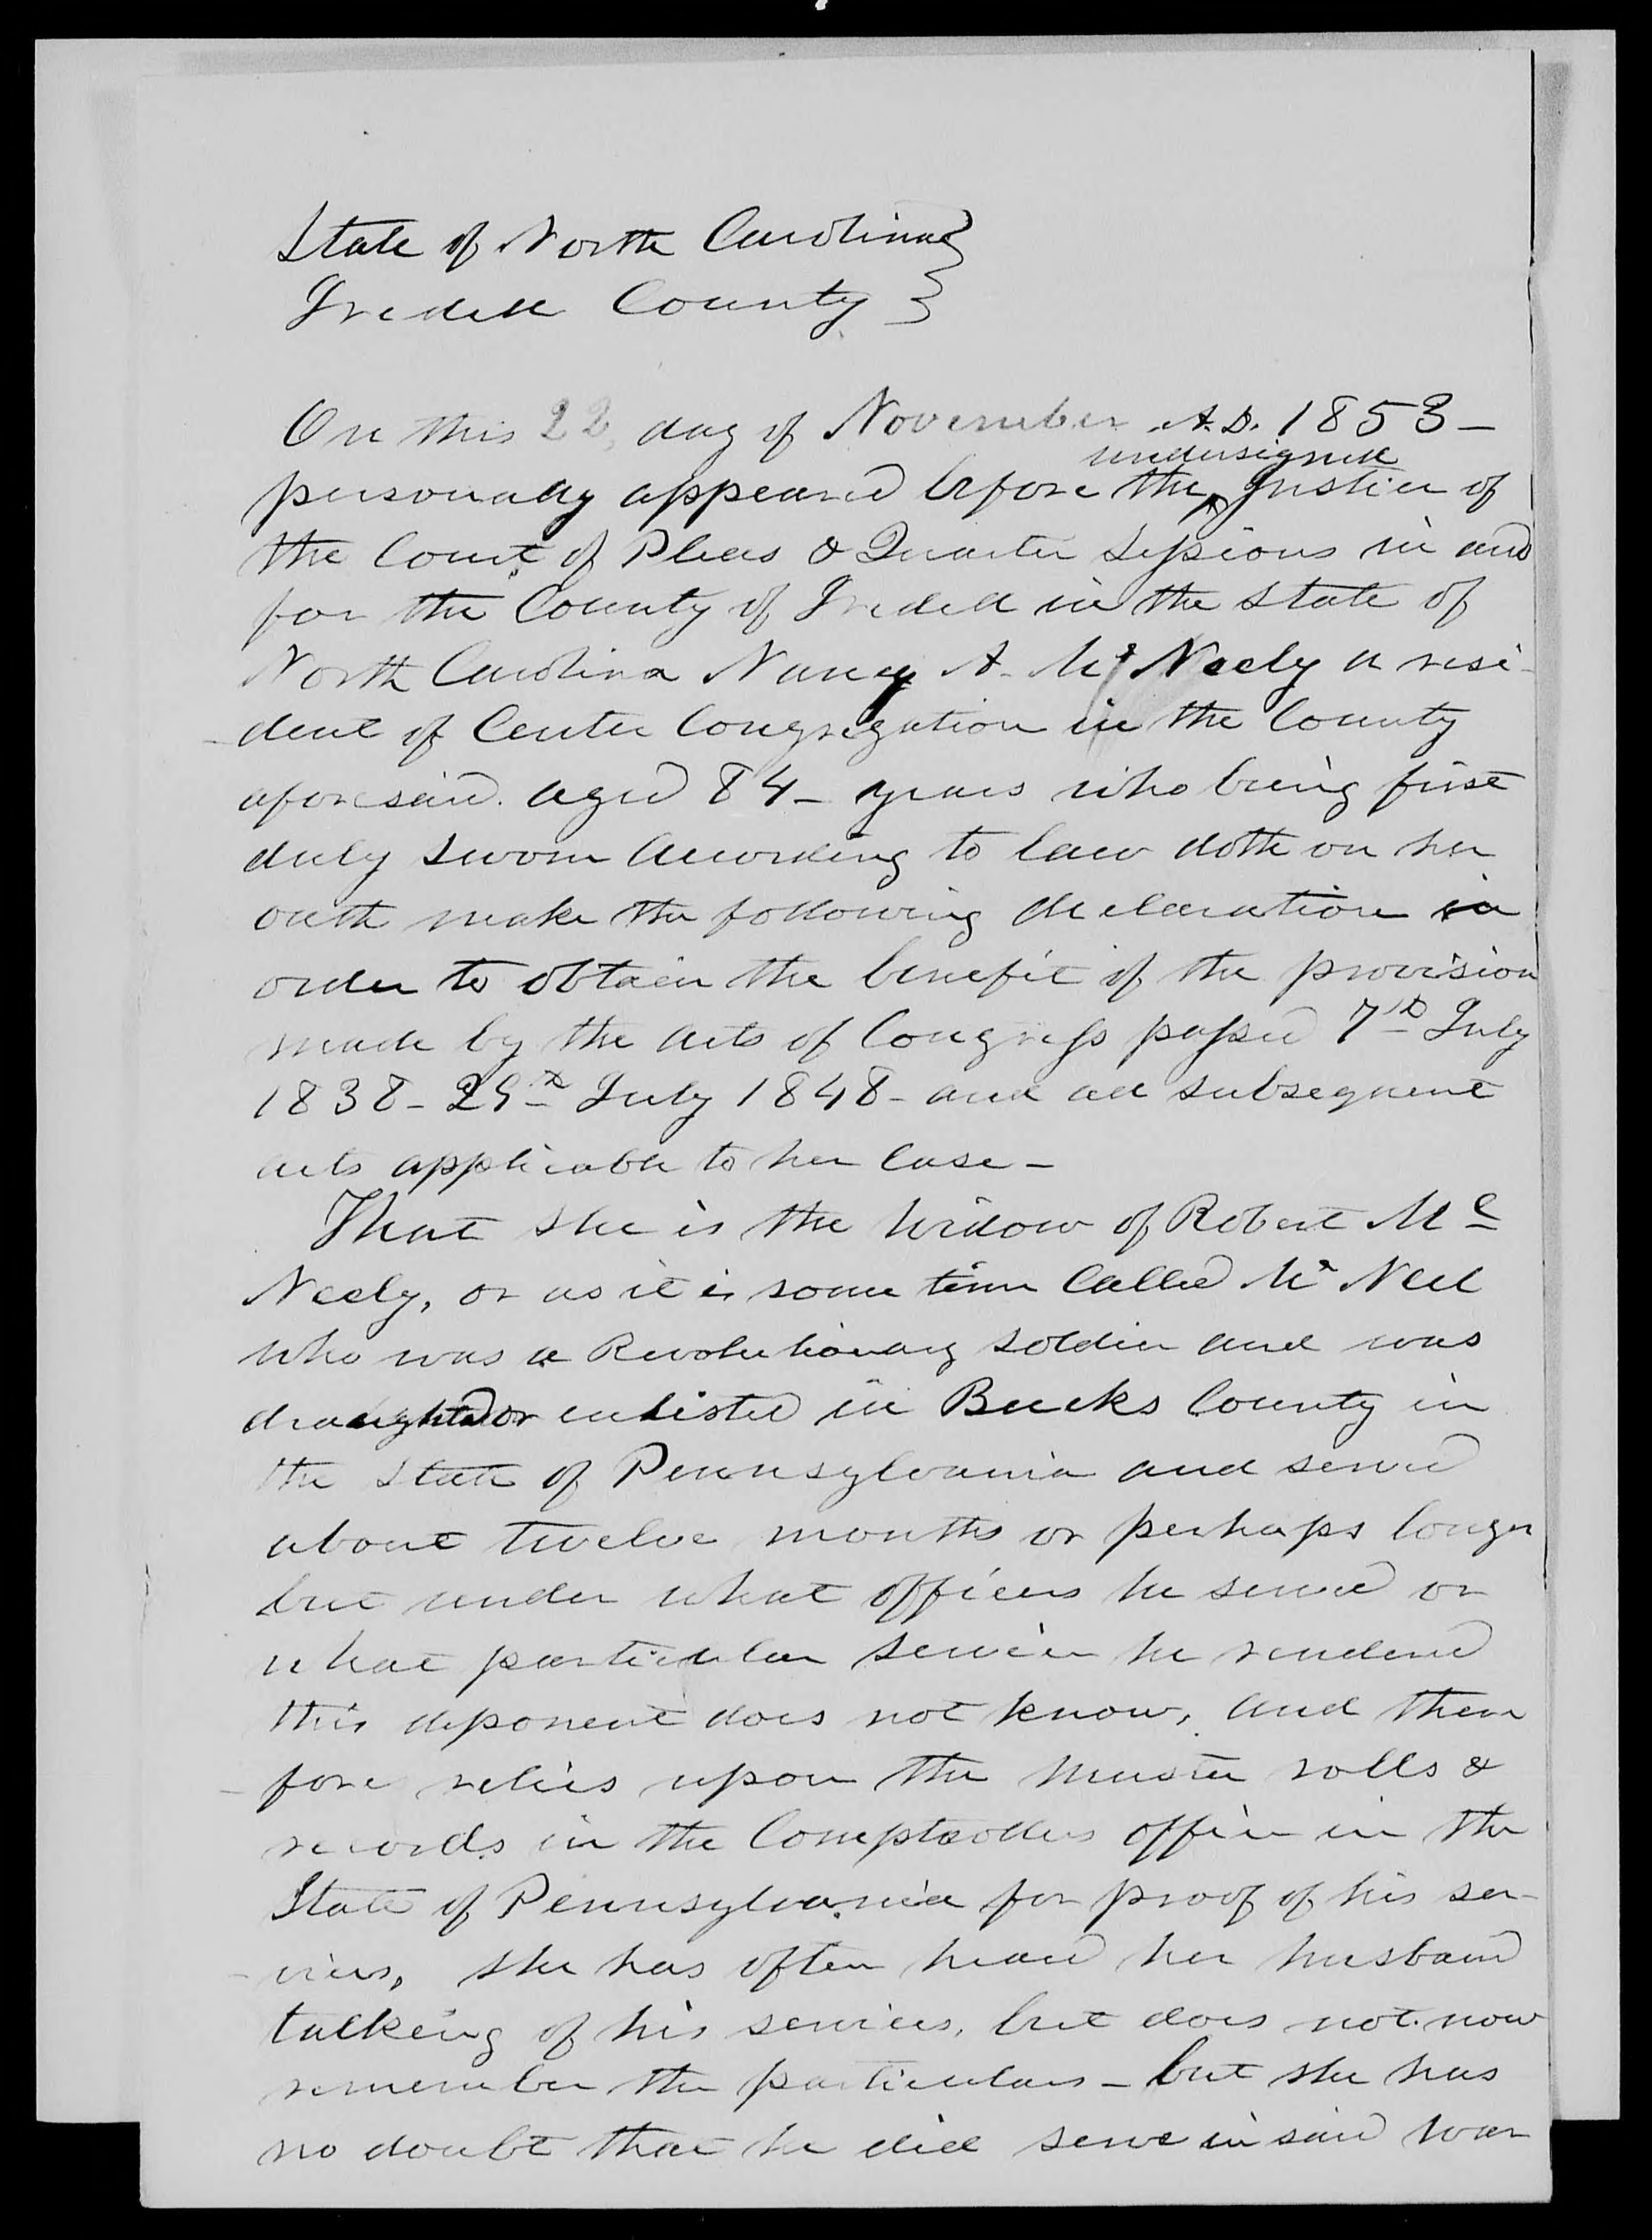State of North Carolina
Iredell County

On this 22 day of November A.D. 1858 - personally appeared before me the undersigned  Justice of the Court of Pleas & Quarter Sessions in and for the County of Iredell in the state of North Carolina Nancy A. McNeely a resident of Center Congregation in the County aforesaid. Aged 84- years who being first duly sworn according to law doth on her oath make the following declaration in order to obtain the benefit of the provision made by the acts of Congress passed 7th July 1838- 29th July 1848 - and all subsequent acts applicable to her case - 
That she is the widow of Robert McNeely, or as it is some time called McNeil who was a Revolutionary soldier and was draughted or enlisted in Bucks County in the State of Pennsylvania and served about twelve months or perhaps longer but under what officers he served or what particular service he rendered this deponent does not know, and therefore relies upon the master rolls & records in the Comptrollers office in the State of Pennsylvania for proof of his services, she has often heard her husband talking of his services, but does not now remember the particulars - but she has no doubt that he did serve in said war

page: 5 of 13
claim: rejected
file: R. 6801, for Robert Mc Neely, Pennsylvania